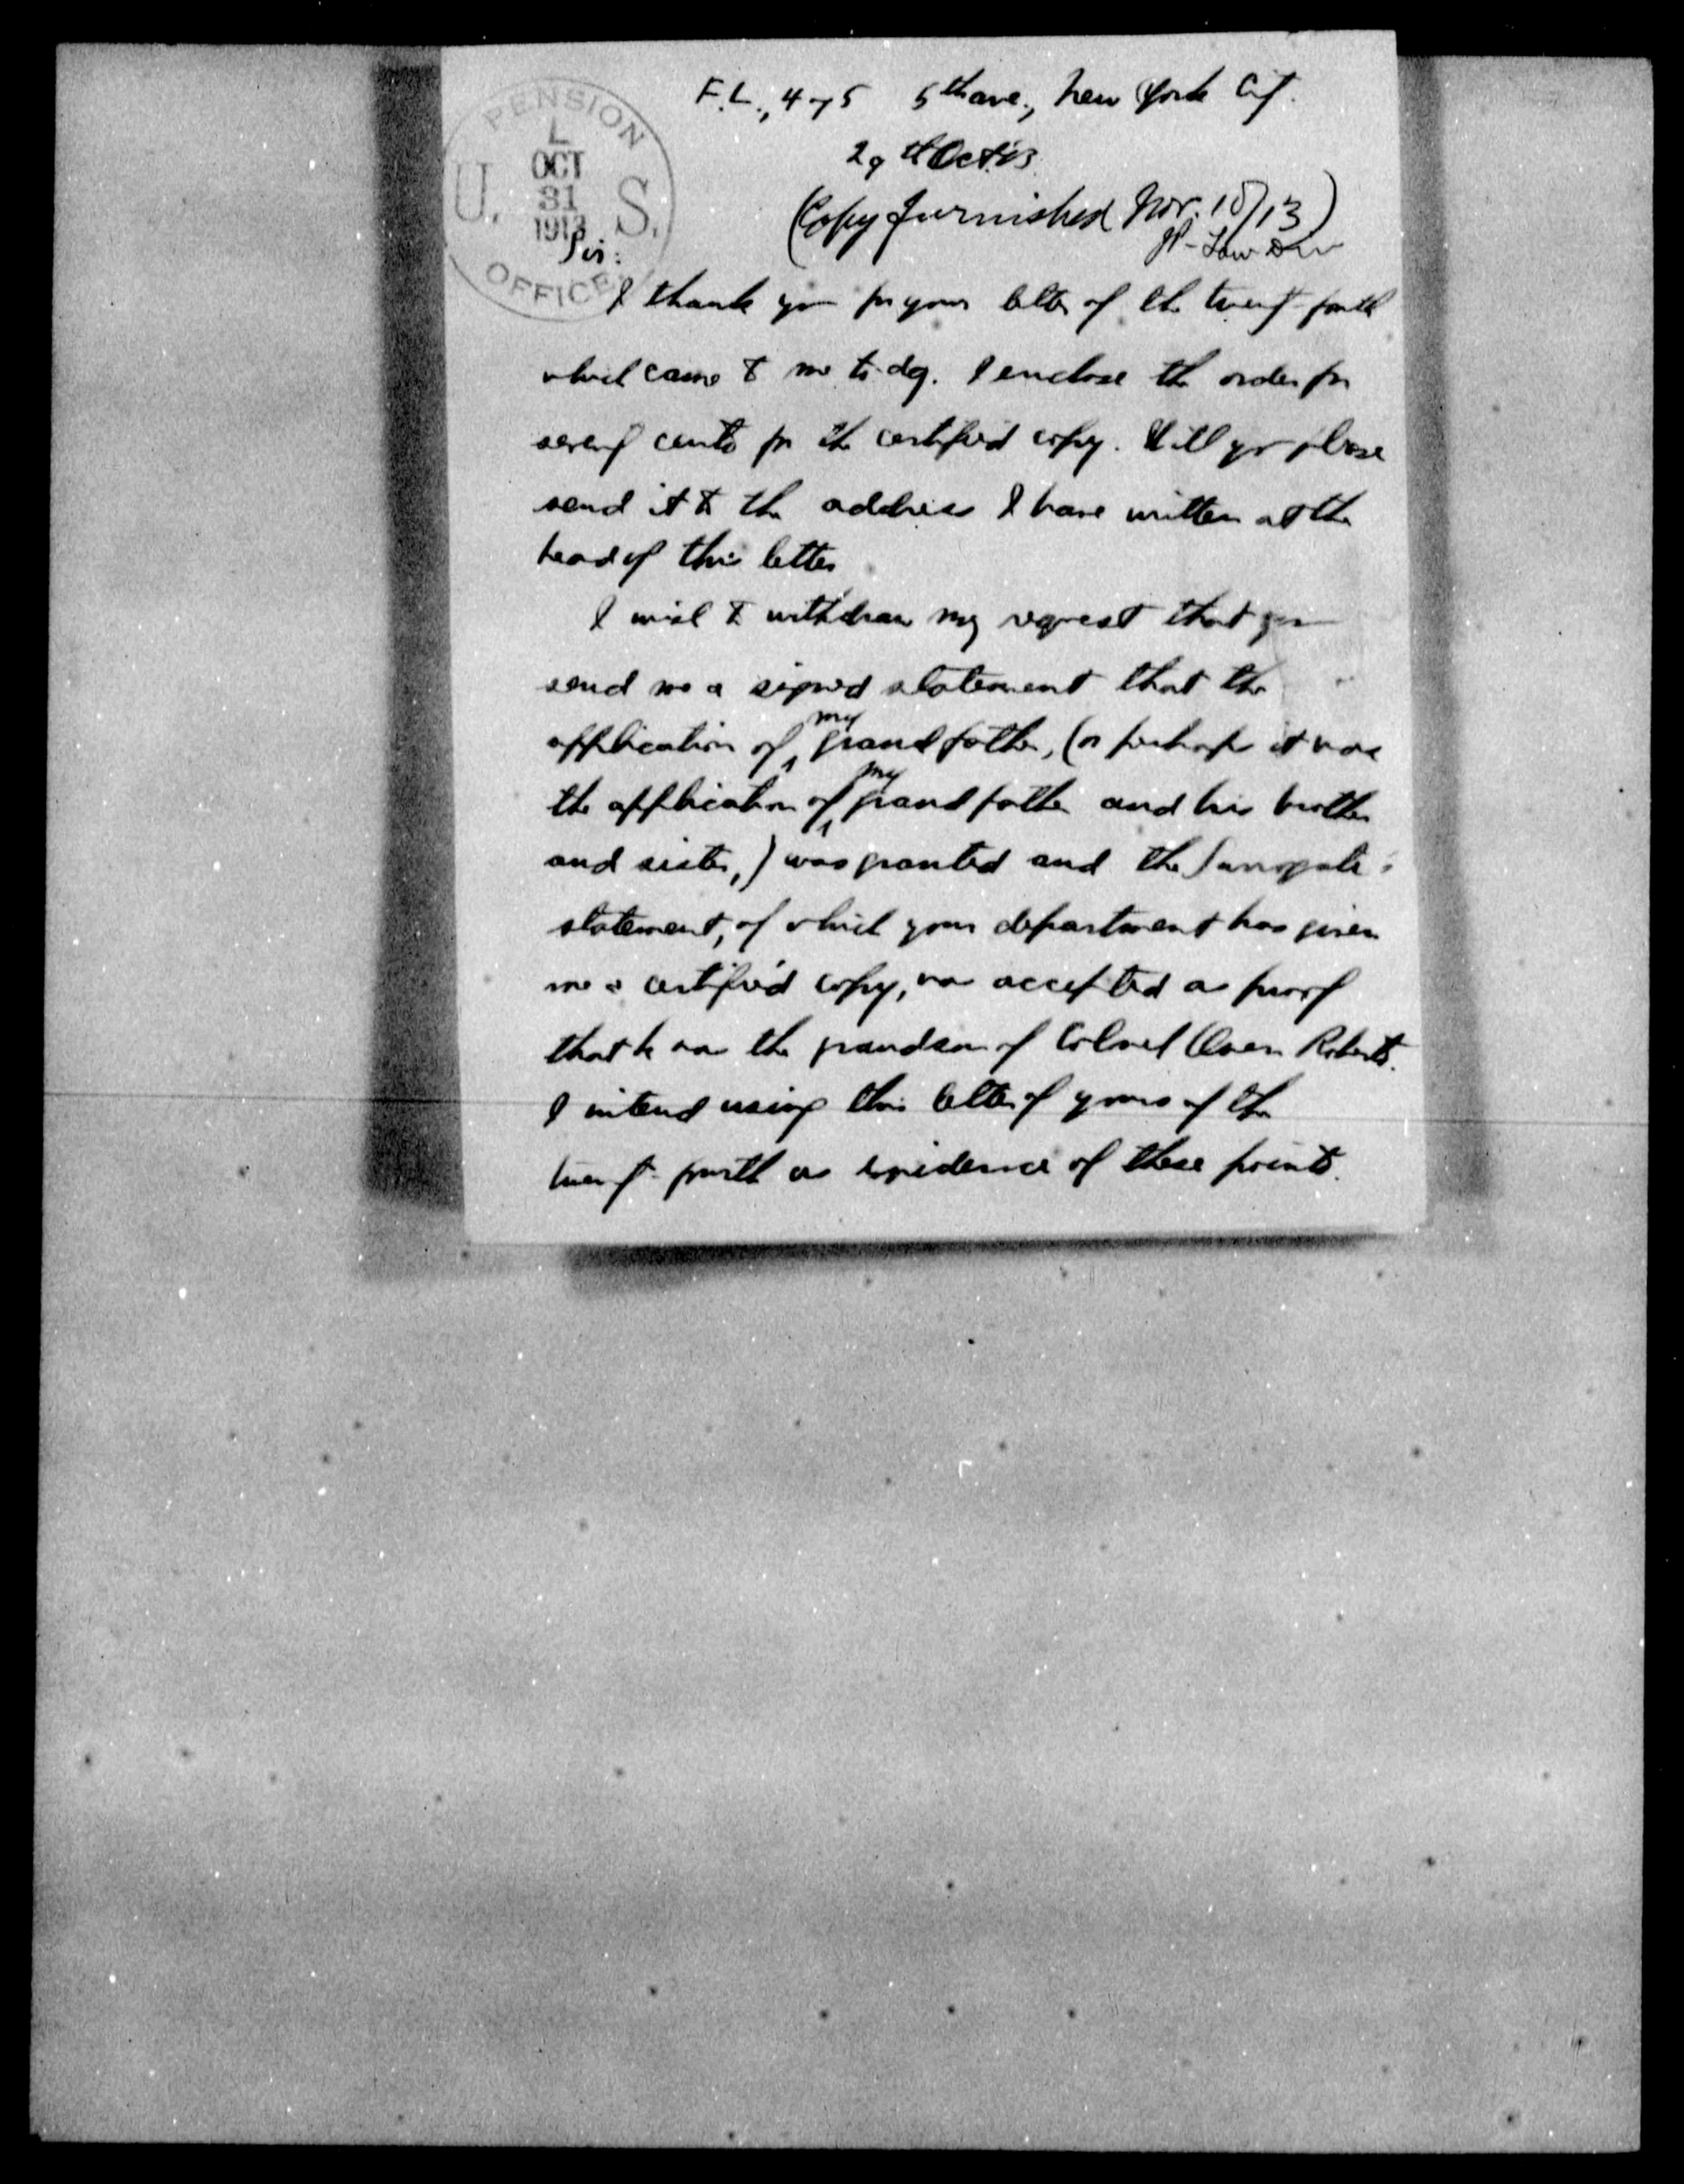F. L. 475 5th Ave., New York City

29th Oct. '13

(copy furnished Nov. 10/13)
JP - Law Div.

Sir:

I thank you for your letter of the twenty-fourth
which came to me to-day.  I enclose the order for 
seventy cents for the certified copy.  Will you please
sent it to the address I have written at the 
head of this letter
I wish to withdraw my request that you 
send me a signed statement that the
application of my grandfather (or perhaps it was 
the application of my grandfather and his brother
and sister) was granted and the surrogate
statement, of which your department has given
was a certified copy, was accepted as proof
that I am the grandson of Colonel Owen Roberts.
I intend using this letter of yours of the 
twenty-fourth as evidence of those points.

[date stamp]
U.S. PENSION OFFICE
L
OCT 31 1913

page: 37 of 59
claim: bounty land warrant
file: B.L.Wt. 2359-500, for Owen Roberts, South Carolina